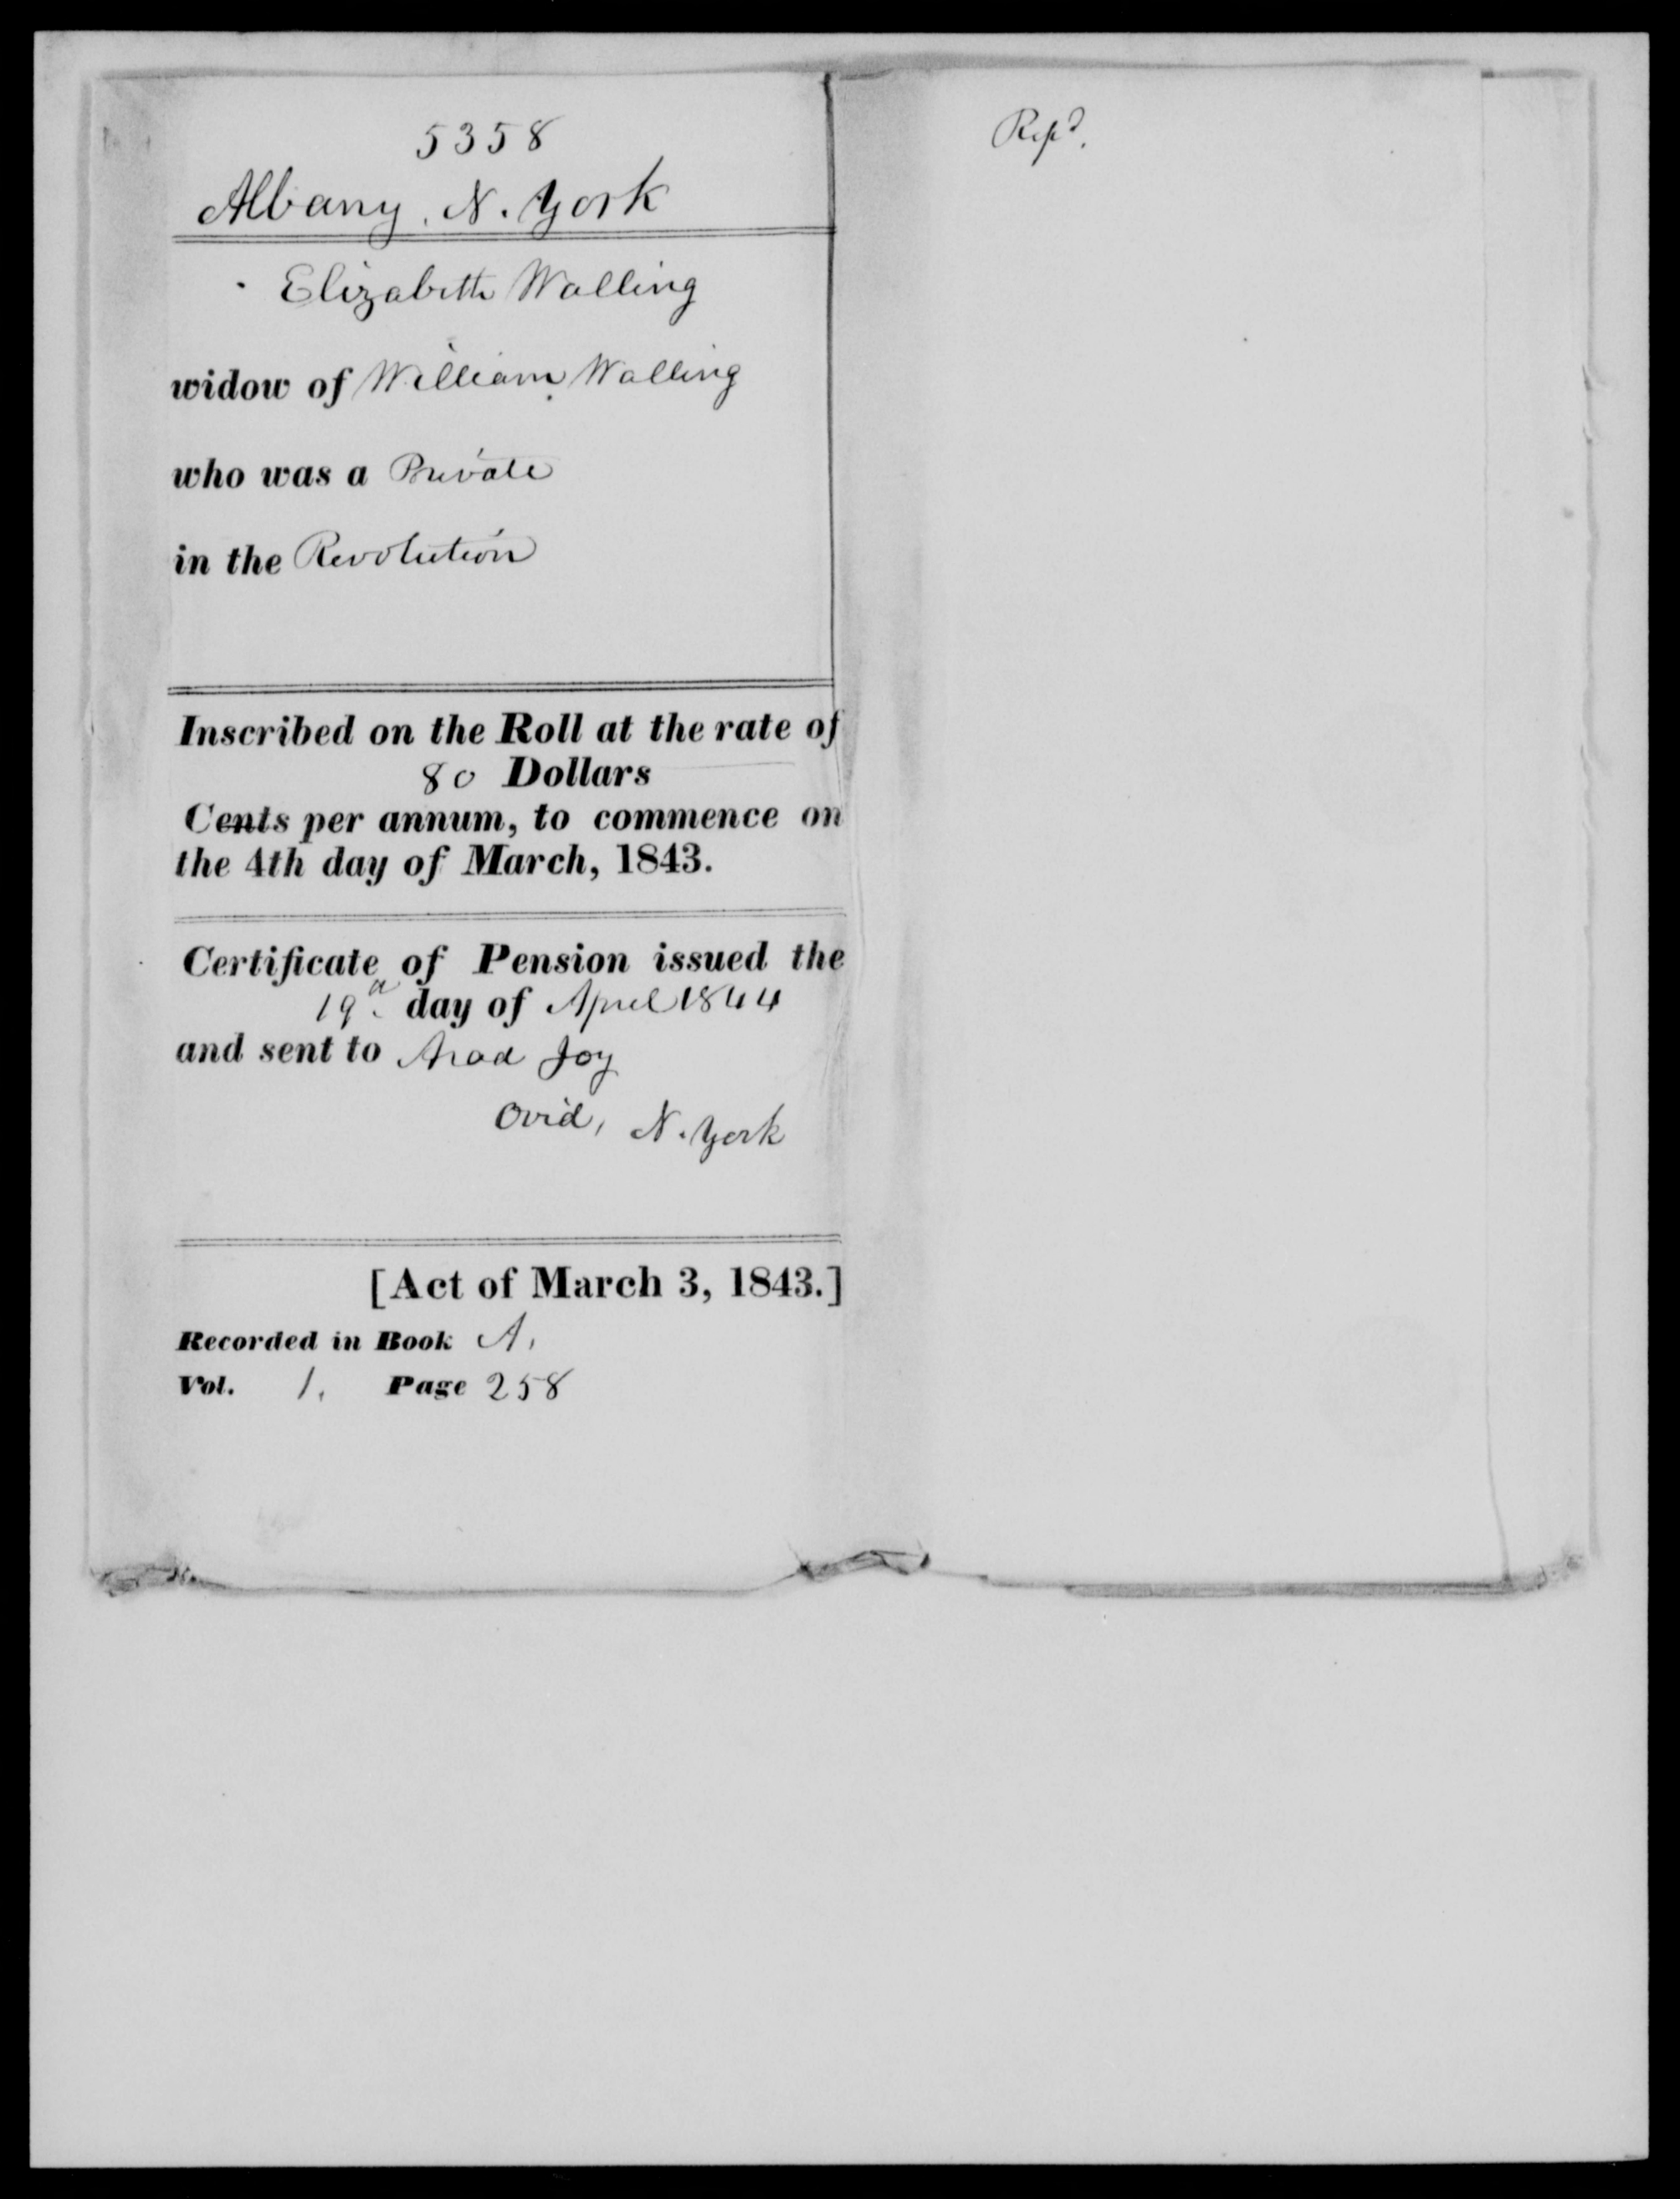5258
Albany, N. York
Elizabeth Walling widow of William Walling who was a Private in the Revolution
Inscribed on the Roll at the rate of 80 Dollars ------ Cents per annum, to commence on the 4th day of March, 1843
Certificate of Pension issued the 19th day of April 1844 and sent to Arad Joy, Ovid N. York
[Act of March 3, 1843]
Recorded in Book A
Vol. 1. Page 258
Rep?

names: Arad Joy, Elizabeth Walling, William Walling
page: 24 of 66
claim: widow's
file: W. 19588, William Walling, New Jersey